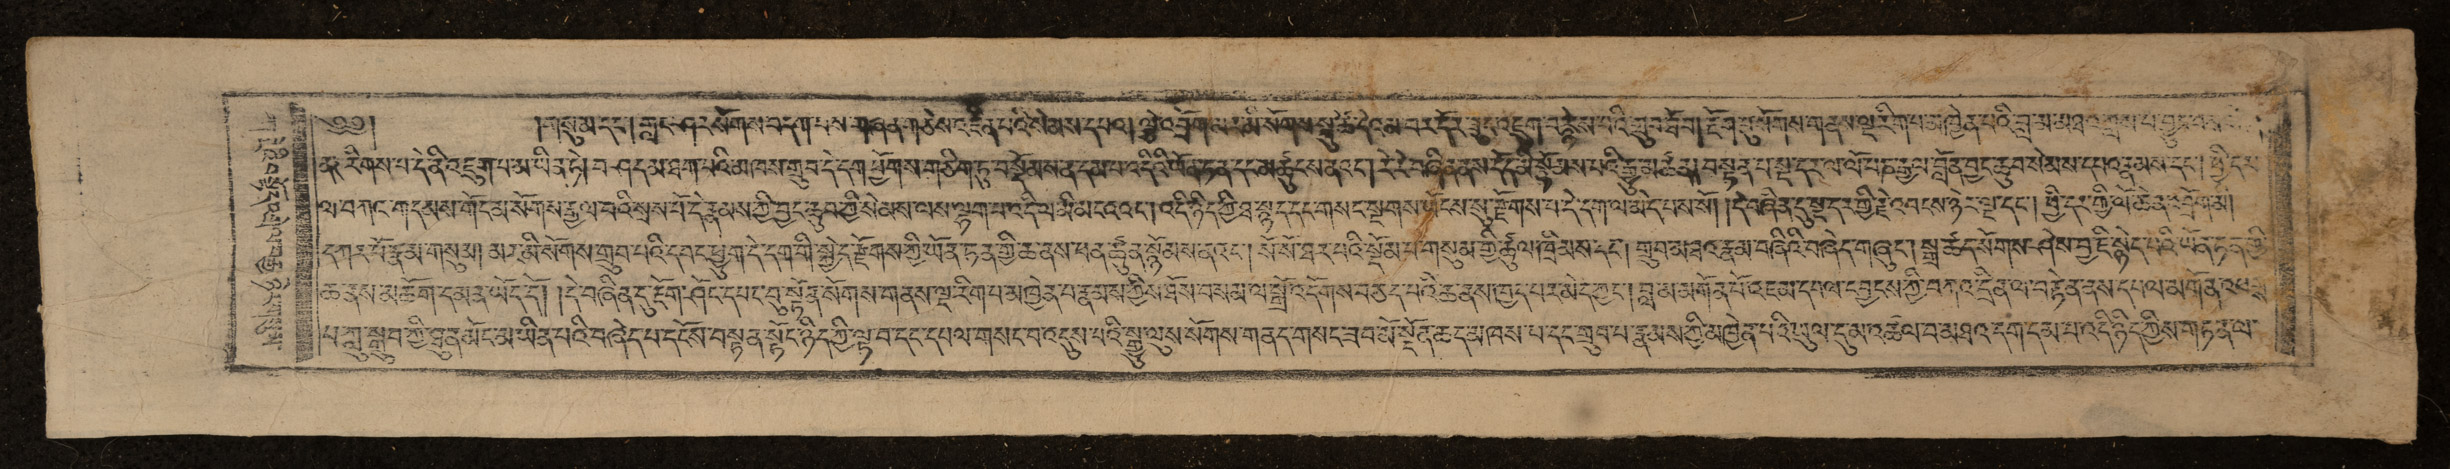༄༅། །གསུམ་དང་། གླང་ཤར་སོགས་བདག་པས་གཞན་གཅེས་འཛིན་པའི་སེམས་དཔའ། ལྕེ་འབྲོག་མར་མི་སོགས་སྐུ་ཚེ་དེའམ་བར་དོར་ཟུང་འཇུག་བརྙེས་པའི་གྲུབ་ཐོབ། རྡོག་བུ་སོགས་གནས་ལྔ་རིག་པ་མཁྱེན་པའི་བླ་མ་མཐའ་ཀླས་པ་བྱུང་བས་སོ་ཞེ་
ན༑ རིགས་པ་དེ་ནི་འཇུག་པ་མ་ཡིན་ཏེ། བཤད་མ་ཐག་པའི་མཁས་གྲུབ་དེ་དག་ཕྱོགས་གཅིག་ཏུ་བསྡོམས་ན་དམ་པ་འདིའི་ཡོན་ཏན་དང་མཚུངས་ནའང་། རེ་རེ་བཞིན་ནས་དོད་མི་སྙོམས་པའི་རྒྱུ་མཚན། བསྟན་པ་སྔ་དར་ལ་ལོ་པཎ་རྒྱལ་བློན་བྱང་ཆུབ་སེམས་དཔའ་རྣམས་དང་། ཕྱི་དར་
ལ་བཀའ་གདམས་གོང་མ་སོགས་རྒྱལ་པའི་སྲས་པོ་དེ་རྣམས་ཀྱི་བྱང་ཆུབ་ཀྱི་སེམས་ལས་ལྷག་པ་འདི་ལ་མི་མངའ་འང་། འདི་ཉིད་ཀྱི་ཐ་སྙད་དང་གསང་སྔགས་ཡོངས་སུ་རྫོགས་པ་དེ་དག་ལ་མེད་པས་སོ། །དེ་བཞིན་དུ་སྔ་དར་གྱི་རྗེ་འབངས་ཉེར་ལྔ་དང་། ཕྱི་དར་གྱི་ལོ་ཆེན་འབྲོག་མི།
དཀར་པོ་རྣམ་གསུམ། མར་མི་སོགས་གྲུབ་པའི་དབང་ཕྱུག་དེ་དག་གི་བསྐྱེད་རྫོགས་ཀྱི་ཡོན་ཏན་གྱི་ཆ་ནས་ཕན་ཚུན་སྙོམས་ནའང་། སོ་སོ་ཐར་པའི་སྡོམ་པ་གསུམ་གྱི་ཚུལ་ཁྲིམས་དང་། གྲུབ་མཐའ་རྣམ་བཞིའི་བཞེད་གཞུང་། སྒྲ་ཚད་སོགས་ཤེས་བྱ་ཇི་སྙེད་པའི་ཡོན་ཏན་གྱི་
ཆ་ནས་མཆོག་དམན་ཡོད་དོ། །དེ་བཞིན་དུ་རྡོག་ཤོད་དཔང་བུ་སྟོན་སོགས་གནས་ལྔ་རིག་པ་མཁྱེན་པ་རྣམས་ཀྱིས་ཐོས་བསམ་ལ་སྒྲོ་འདོགས་བཅད་པའི་ཆ་ནས་ཁྱད་པར་མེད་ཀྱང་། བླ་མ་མགོན་པོ་འཇམ་དཔལ་དབྱངས་ཀྱི་བཀའ་དྲིན་ལ་བརྟེན་ནས་དཔལ་མགོན་འཕགས་
པ་ཀླུ་སྒྲུབ་ཀྱི་ཐུན་མོང་མ་ཡིན་པའི་བཞེད་པ་དངོས་བསྟན་སྟོང་ཉིད་ཀྱི་ལྟ་བ་དང་དཔལ་གསང་བ་འདུས་པའི་སྒྱུ་ལུས་སོགས་གནད་གསང་ཟབ་མོ་སྔོན་ཆད་མཁས་པ་དང་གྲུབ་པ་རྣམས་ཀྱི་མཁྱེན་པའི་ཡུལ་དུ་མ་འཚལ་བ་མཐའ་དག་དམ་པ་འདི་ཉིད་ཀྱིས་གཏན་ལ་